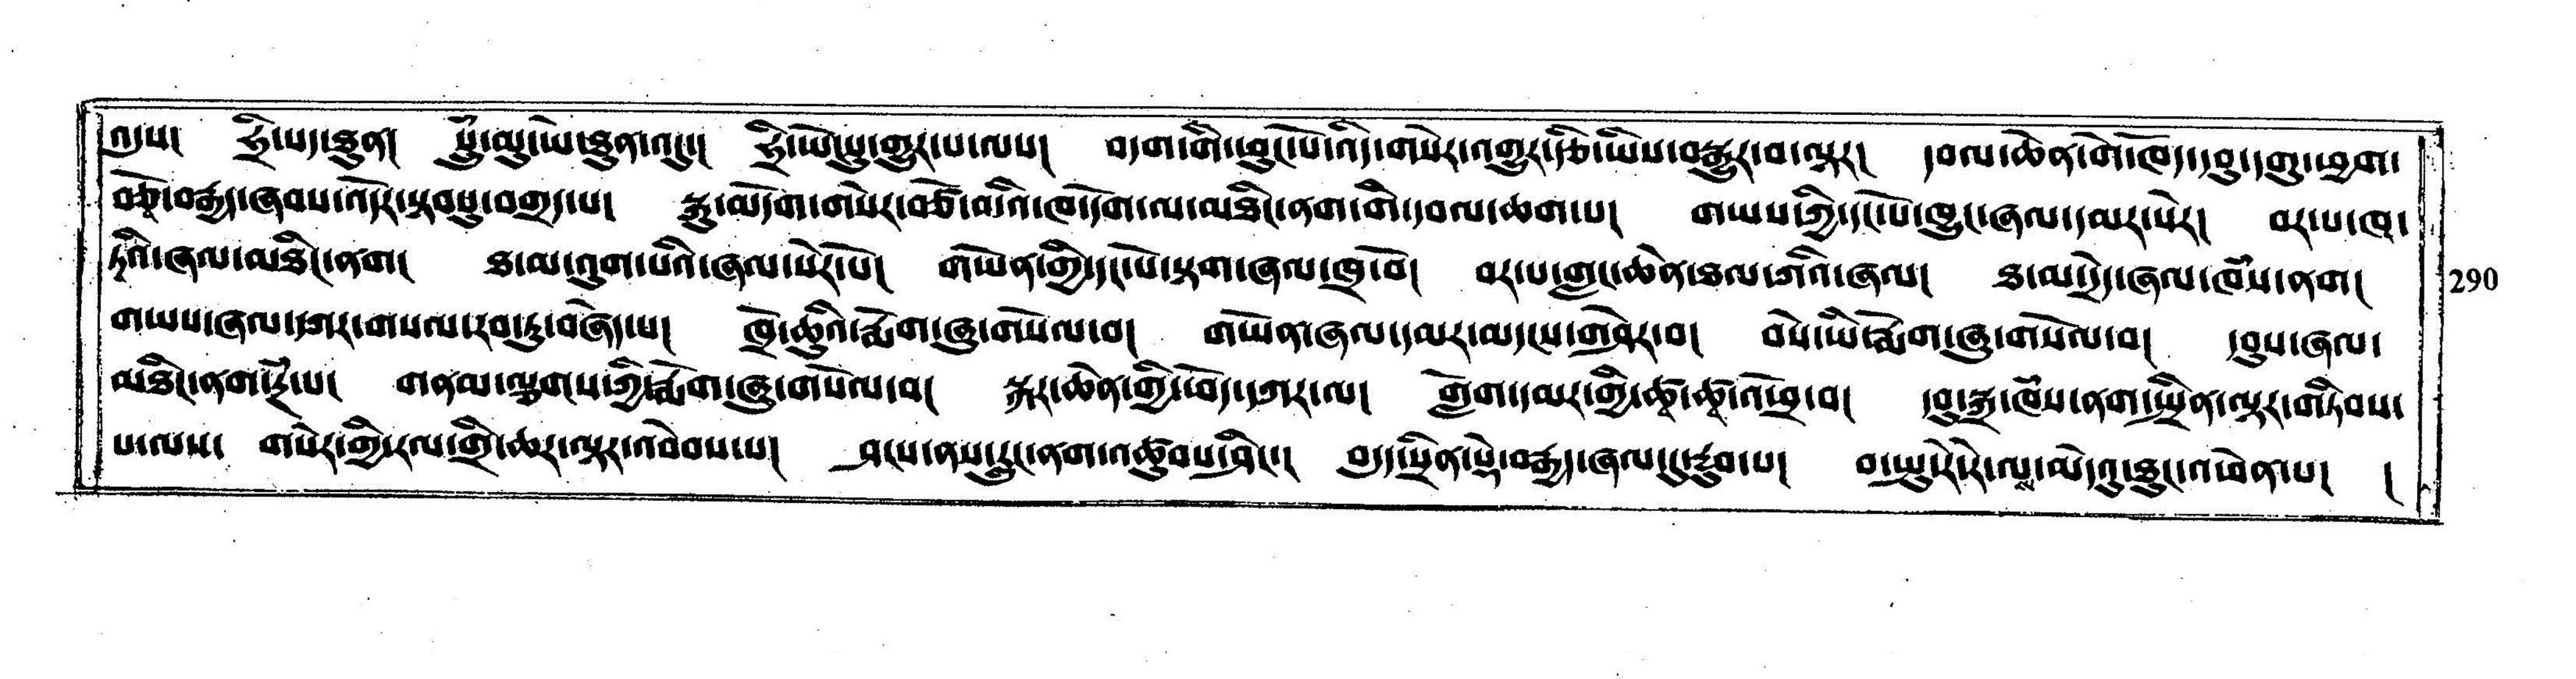འདུས། ཧྲི་སད་ཐུན། སྲུཾ་མུ་ཡེ་ཐུན་འདུ། ཧྲི་ཡོངས་སུ་གྱུར་པ་ལས། བདག་གི་ཕུང་པོ་འདི་གསེར་འགྱུར་རྩི་ཡིས་བསྒྱུར་བ་ལྟར། དབལ་ཆེན་གེ་ཁོད་དབུ་དགུ་ཕྱག་
བཅྭོ་བརྒྱད་ཞབས་འདོར་སྟབས་སུ་བགྲད་པ། སྐུ་མདོག་གསེར་བཙོ་མའི་ཁ་དོག་ལ་མཐིང་ནག་གི་དབལ་ཆག་པ། གཡས་ཀྱི་དང་པོ་ཁྱུང་ཞལ་དམར་སེར། བར་པ་ཁ་
ཏའི་ཞལ་མཐིང་ནག ཐ་མ་འུག་པའི་ཞལ་སེར་པོ། གཡོན་གྱི་དང་པོ་སྟག་ཞལ་ཁྲ་བོ། བར་པ་གླང་ཆེན་ཐལ་ཀའི་ཞལ། ཐ་མ་དྲེད་ཞལ་ཁམས་ནག 
གཡས་ཞལ་དཀར་གསལ་རབ་ཏུ་བཞད་པ། ཁྲོ་ཆུའི་རྨོག་ཞུ་གསོལ་བ། གཡོན་ཞལ་དམར་མདངས་གཤེར་བ། བསེ་ཡི་རྨོག་ཞུ་གསོལ་བ། དབུས་ཞལ་
མཐིང་ནག་རྔམ་པ། གནམ་ལྕགས་ཀྱི་རྨོག་ཞུ་གསོལ་བ། སྐར་ཆེན་གྱི་ཕོད་དཀར་ལ། གློག་དམར་གྱི་ཚྭ་ཚྭ་འཕྲོ་བ། དབུ་སྐྲ་ཁམས་ནག་སྤྲིན་ལྟར་གཏིབས་
པ་ལས་གསེར་གྱི་རལ་གྲི་ཆར་ལྟར་འབེབས་པ། ཤངས་ནས་རླུང་ནག་འཚུབས་ཤིང་། བདུད་སྲིན་སྡེ་བརྒྱད་ཞལ་དུ་རྔུབ་པ། བ་སྤུ་རེ་རེ་ལས་མདེའུ་ཐུང་འཕེན་པ།